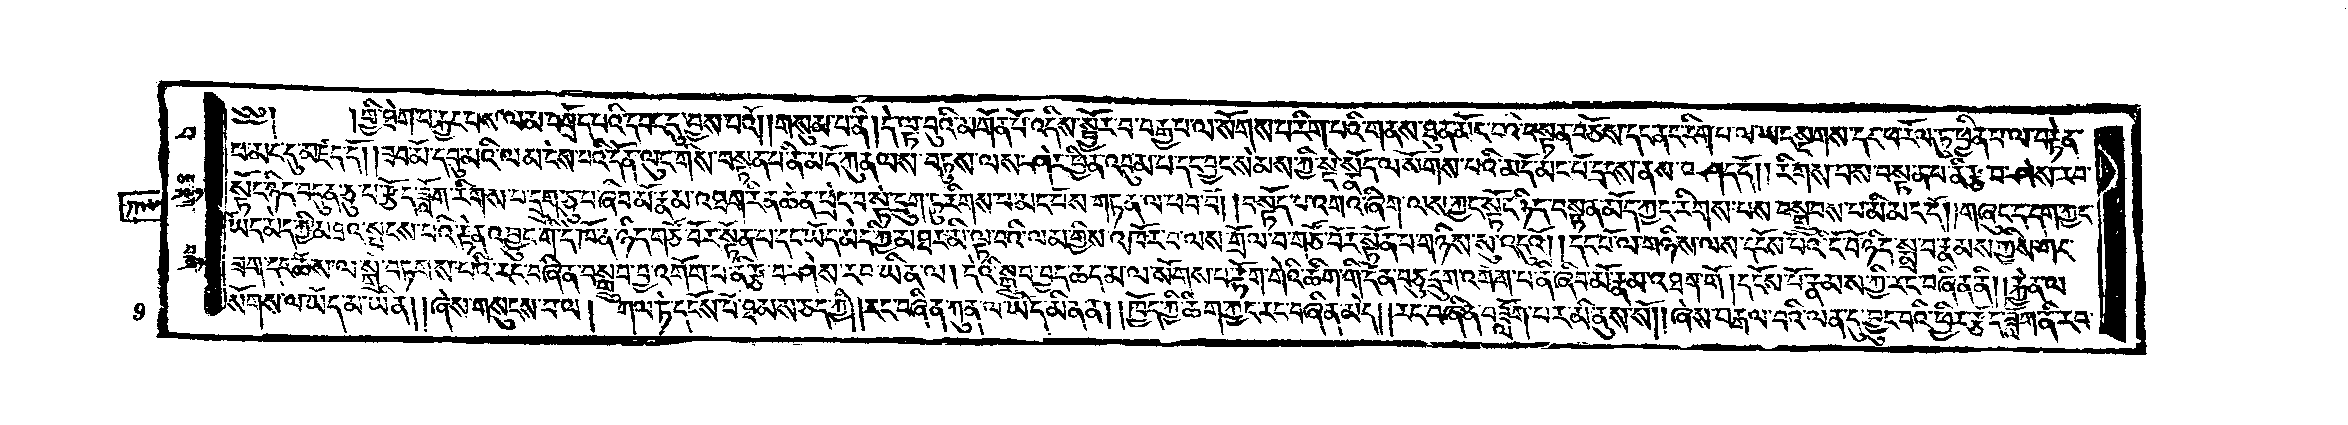༄༅། །གྱི་ཐེག་པ་རྐྱང་པས་ལམ་བགྲོད་པའི་དབང་དུ་བྱས་པའི། །གསུམ་པ་ནི། དེ་ལྟ་བུའི་མགོན་པོ་འདིས་སྦྱོར་བ་བརྒྱ་བ་ལ་སོགས་པ་རིག་པའི་གནས་ཐུན་མོང་བའི་བསྟན་བཅོས་དང་ནང་རིག་པ་ལ་ཡང་སྔགས་དང་ཕ་རོལ་ཏུ་ཕྱིན་པ་ལ་བརྟེན་
པ་མང་དུ་མཛད་དོ། །ཟབ་མོ་དབུ་མའི་ལམ་ངེས་པའི་དོན་ལུང་གིས་བསྟན་པ་ནི་མདོ་ཀུན་ལས་བཏུས་ལས་ཤེར་ཕྱིན་འབུམ་པ་དང་བྱང་སེམས་ཀྱི་སྡེ་སྣོད་སོགས་པའི་མདོ་མང་པོ་དྲངས་ནས་བཤད་དོ། །རིགས་པས་བསྟན་པ་ནི་རྩ་བ་ཤེས་རབ་
སྟོང་ཉིད་བདུན་ཅུ་པ་རྩོད་ཟློག་རིགས་པ་དྲུག་ཅུ་པ་ཞིབ་མོ་རྣམ་འཐག་རིན་ཆེན་ཕྲེང་བ་སྟེ་དྲུག་ཏུ་རིགས་པ་མང་པོས་གཏན་ལ་ཕབ་བོ། །བསྟོད་པ་འགའ་ཞིག་ལས་ཀྱང་སྟོང་ཉིད་བསྟན་མོད་ཀྱང་རིགས་པས་བསྒྲུབས་པ་མི་མང་དོ། །གཞུང་དེ་དག་ཀྱང་
ཡོད་མེད་ཀྱི་མཐའ་སྤངས་པའི་རྟེན་འབྱུང་གི་དེ་ཁོ་ན་ཉིད་གཙོ་བོར་སྟོན་པ་དང་ཡོད་མེད་ཀྱི་མཐར་མི་ལྟ་བའི་ལམ་གྱིས་འཁོར་བ་ལས་གྲོལ་བ་གཙོ་བོར་སྟོན་པ་གཉིས་སུ་འདུའོ། །དང་པོ་ལ་གཉིས་ལ་དངོས་པའི་ངོ་བོ་ཉིད་སྨྲ་བ་རྣམས་ཀྱིས་གང་
ཟག་དང་ཆོས་ལ་སྒྲེ་བཏགས་པའི་རང་བཞིན་བསྒྲུབ་བྱ་འགེག་པ་ནི་རྩ་བ་ཤེས་རབ་ཡིན་ལ། དེའི་སྒྲུབ་བྱེད་ཆད་མ་ལ་སོགས་པ་རྟོག་གེའི་ཚིག་གི་དོན་བཅུ་དྲུག་འགོག་པ་ནི་ཞིབ་མོ་རྣམ་འཐག་གོ། །དངོས་པོ་རྣམས་ཀྱི་རང་བཞིན་ནི། །རྐྱེན་ལ་
སོགས་ལ་ཡོད་མ་ཡིན། །ཞེས་གསུངས་པ་ལ། གལ་ཏེ་དངོས་པོ་ཐམས་ཅད་ཀྱི། །རང་བཞིན་ཀུན་ལ་ཡོད་མིན་ན། །ཁྱོད་ཀྱི་ཚིག་ཀྱང་རང་བཞིན་མེད། །རང་བཞིན་བཟློག་པར་མི་ནུས་སོ། །ཞེས་པ་རྒལ་བའི་ལན་དུ་བྱུང་བའི་ཕྱིར་རྩོད་ཟློག་ནི་རབ་